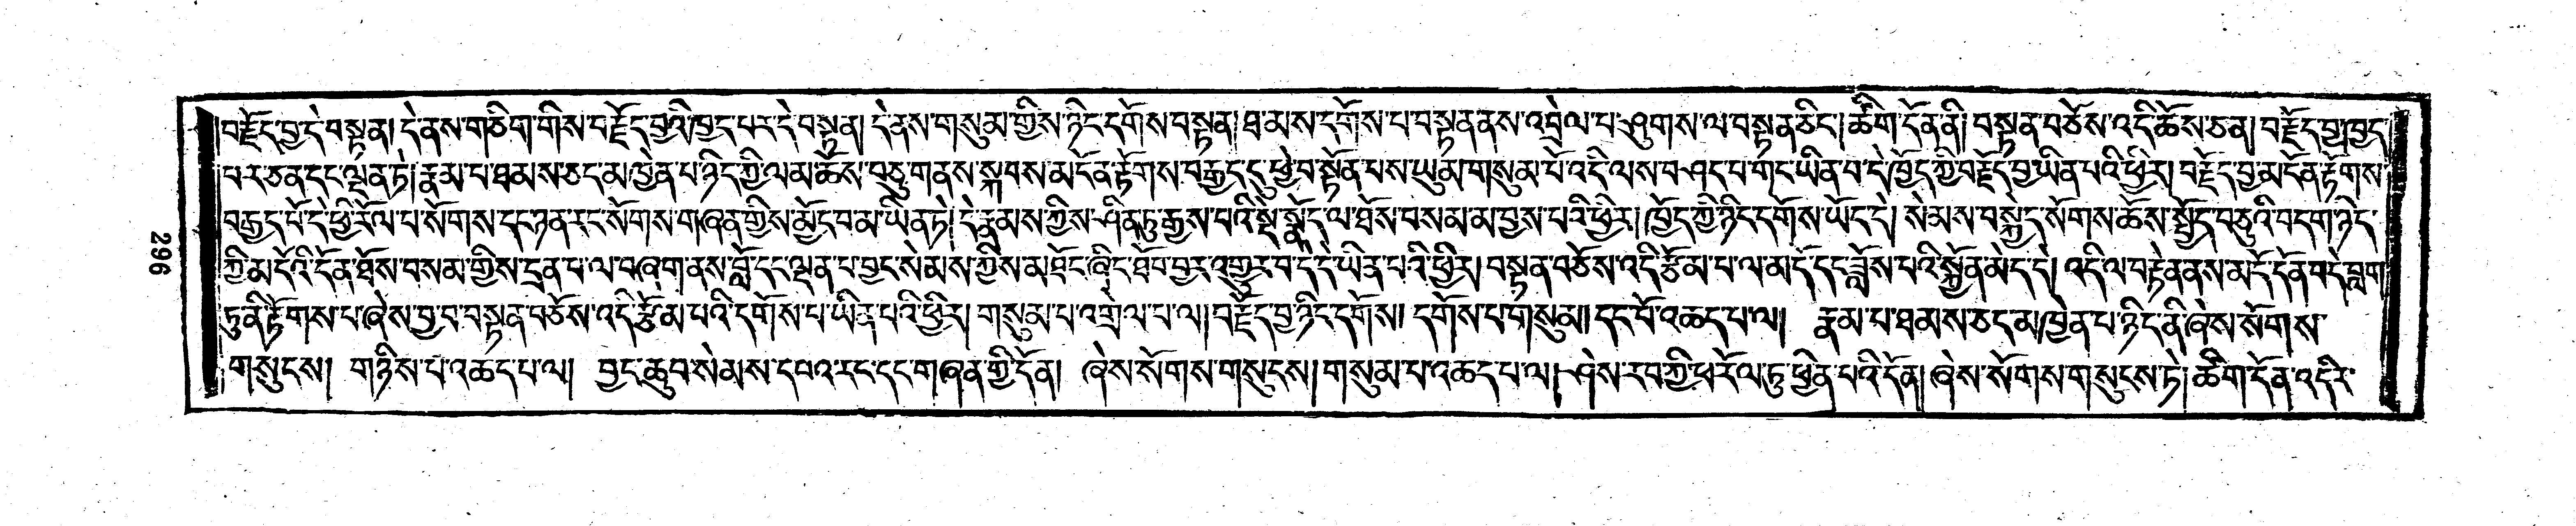བརྗོད་བྱ་དེ་བསྟན། དེ་ནས་གཅིག་གིས་བརྗོད་བྱའི་ཁྱད་པར་དེ་བསྟན། དེ་ནས་གསུམ་གྱིས་ཉིང་དགོས་བསྟན། ཐ་མས་དགོས་པར་སྟན་ནས་འབྲེལ་པ་ཤུགས་ལ་བསྟན་ཅིང་། ཚིག་དོན་ནི། བསྟན་བཅོས་འདི་ཆོས་ཅན། བརྗོད་བྱ་ཁྱད་
པར་ཅན་དང་ལྡན་ཏེ། རྣམ་པ་ཐམས་ཅད་མཁྱེན་པ་ཉིད་ཀྱི་ལམ་ཆོས་བཅུ་གནས་སྐབས་མངོན་རྟོགས་བརྒྱད་དུ་ཕྱེ་བ་སྟོན་པས་ཡུམ་གསུམ་པོ་འདི་ལས་བཤད་པ་གང་ཡིན་པ་དེ་ཁྱོད་ཀྱི་བརྗོད་བྱ་ཡིན་པའི་ཕྱིར། བརྗོད་བྱ་མངོན་རྟོགས་
བརྒྱད་པོ་དེ་ཕྱི་རོལ་པ་སོགས་དང་ཉན་རང་སོགས་གཞན་གྱིས་མྱོང་བ་མ་ཡིན་ཏེ། དེ་རྣམས་ཀྱིས་ཤིན་ཏུ་རྒྱས་པའི་སྡེ་སྣོད་ལ་ཐོས་བསམ་མ་བྱས་པའི་ཕྱིར། ཁྱོད་ཀྱི་ཉིང་དགོས་ཡོད་དེ། སེམས་བསྐྱེད་སོགས་ཆོས་སྤྱོད་བཅུའི་བདག་ཉིད་
ཀྱི་མདོའི་དོན་ཐོས་བསམ་གྱིས་དྲན་པ་ལ་བཞག་ནས་བློ་དང་ལྡན་པ་བྱང་སེམས་ཀྱིས་མཐོང་ཞིང་ཐོབ་བྱར་འགྱུར་བ་དེ་དེ་ཡིན་པའི་ཕྱིར། བསྟན་བཅོས་འདི་རྩོམ་པ་ལ་མདོ་དང་ཟློས་པའི་སྐྱོན་མེད་དེ། འདི་ལ་བརྟེན་ནས་མདོ་དོན་བདེ་བླག་
ཏུ་ནི་རྟོགས་པ་ཞེས་བྱ་བ་བསྟན་བཅོས་འདི་རྩོམ་པའི་དགོས་པ་ཡིན་པའི་ཕྱིར། གསུམ་པ་འགྲེལ་པ་ལ། བརྗོད་པ་ཉིང་དགོས། དགོས་པ་གསུམ། དང་པོ་འཆད་པ་ལ། རྣམ་པ་ཐམས་ཅད་མཁྱེན་པ་ཉིད་ནི་ཞེས་སོགས་
གསུངས། གཉིས་པ་འཆད་པ་ལ། བྱང་ཆུབ་སེམས་དཔའ་རང་དང་གཞན་གྱི་དོན། ཞེས་སོགས་གསུངས། གསུམ་པ་འཆད་པ་ལ། ཤེས་རབ་ཀྱི་ཕ་རོལ་ཏུ་ཕྱིན་པའི་དོན། ཞེས་སོགས་གསུངས་ཏེ། ཚིག་དོན་འདིར་